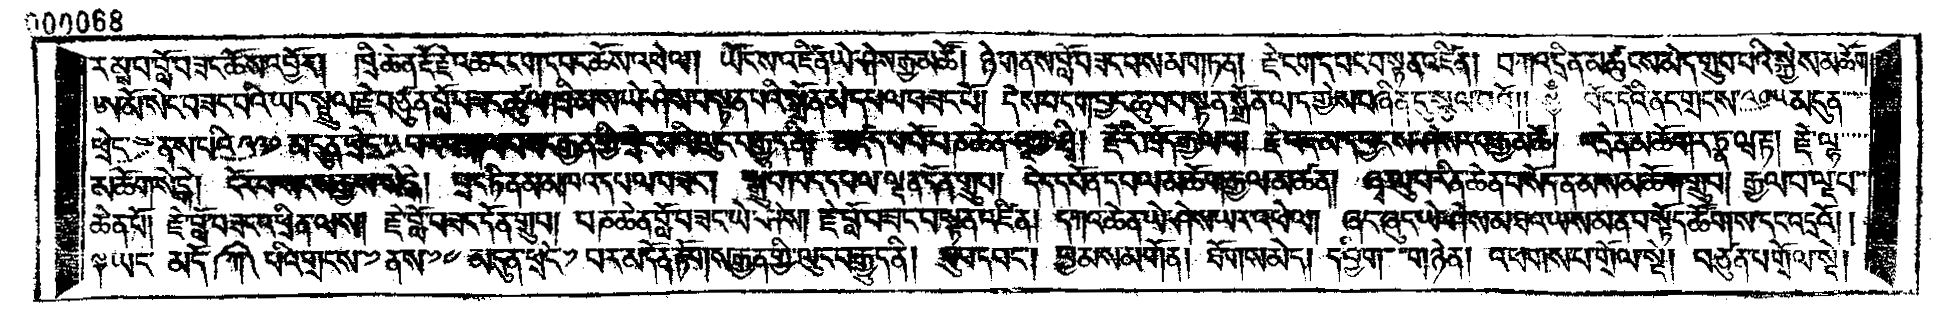རམས་པ་བློ་བཟང་ཆོས་འབྱོར། ཁྲི་ཆེན་རྡོ་རྗེ་འཆང་ངག་དབང་ཆོས་འཕེལ། ཡོངས་འཛིན་ཡེ་ཤེས་རྒྱ་མཚོ། ཉེ་གནས་བློ་བཟང་བསམ་གཏན། རྗེ་ངག་དབང་བསྟན་འཛིན། བཀའ་དྲིན་མཚུངས་མེད་གྲུབ་པའི་སྐྱེས་མཆོག་
ཨ་མོ་སེང་བཟང་བའི་ཡང་སྤྲུལ་རྗེ་བཙུན་བློ་བཟང་ཚུལ་ཁྲིམས་ཡེ་ཤེས་བསྟན་པའི་སྒྲོན་མེ་དཔལ་བཟང་པོ། དེས་བདག་བྱང་ཆུབ་བསྟན་སྒྲོན་ལ་དགྱེས་བཞིན་དུ་སྩལ་བའོ།། ༈ བོད་དེའི་ནང་གྲངས་༢༦༥?་མདུན་
ཕྲེང་༤་ནས་པའི་༢༢༡་མདུན་ཕྲེང ༥་བར་བསྐལ་བཟང་རྒྱན་གྱི་ཕྲེང་བའི་ལུང་བརྒྱུད་ནི། མཛད་པ་པོ་པཎ་ཆེན་ཤཱཀྱ་ཤྲཱི། རྗེ་རི་ཁྲོད་རྒྱལ་བ། རྗེ་འཇམ་དབྱངས་ཤེས་རབ་རྒྱ་མཚོ། འདྲེན་མཆོག་རཏྣ་ཝརྟ། རྗེ་ལྷ་
མཆོག་སེངྒེ། ངོར་བ་སངས་རྒྱས་སེངྒེ། བྲང་ཏི་ནམ་མཁའ་དཔལ་བཟང་། སྒྲུབ་ཁང་དཔལ་ལྡན་དོན་གྲུབ། དེད་དཔོན་དཔལ་མཆོག་རྒྱལ་མཚན། ཞྭ་ལུ་བ་རིན་ཆེན་བསོད་ནམས་མཆོག་གྲུབ། རྒྱལ་བ་ལྔ་པ་
ཆེན་པོ། རྗེ་བློ་བཟང་འཕྲིན་ལས། རྗེ་བློ་བཟང་དོན་གྲུབ། པཎ་ཆེན་བློ་བཟང་ཡེ་ཤེས། རྗེ་བློ་བཟང་བསྟན་འཛིན། དཀའ་ཆེན་ཡེ་ཤེས་ཡར་འཕེལ། ཞང་ཞུང་ཡེ་ཤེས་མཐའ་ཡས་མན་བསྟོད་ཚོགས་དང་འདྲའོ། །
༈ ཡང་མདོ ༼ཀ༽ པའི་གྲངས ༡་ནས ༡༤་མདུན་ཕྲེང ༡་བར་མདོན་རྟོགས་རྒྱན་གྱི་ལུང་བརྒྱུད་ནི། ཐུབ་དབང་། བྱམས་མགོན། ཐོགས་མེད། དབྱིག་གཉེན། འཕགས་པ་གྲོལ་སྡེ། བཙུན་པ་གྲོལ་སྡེ།